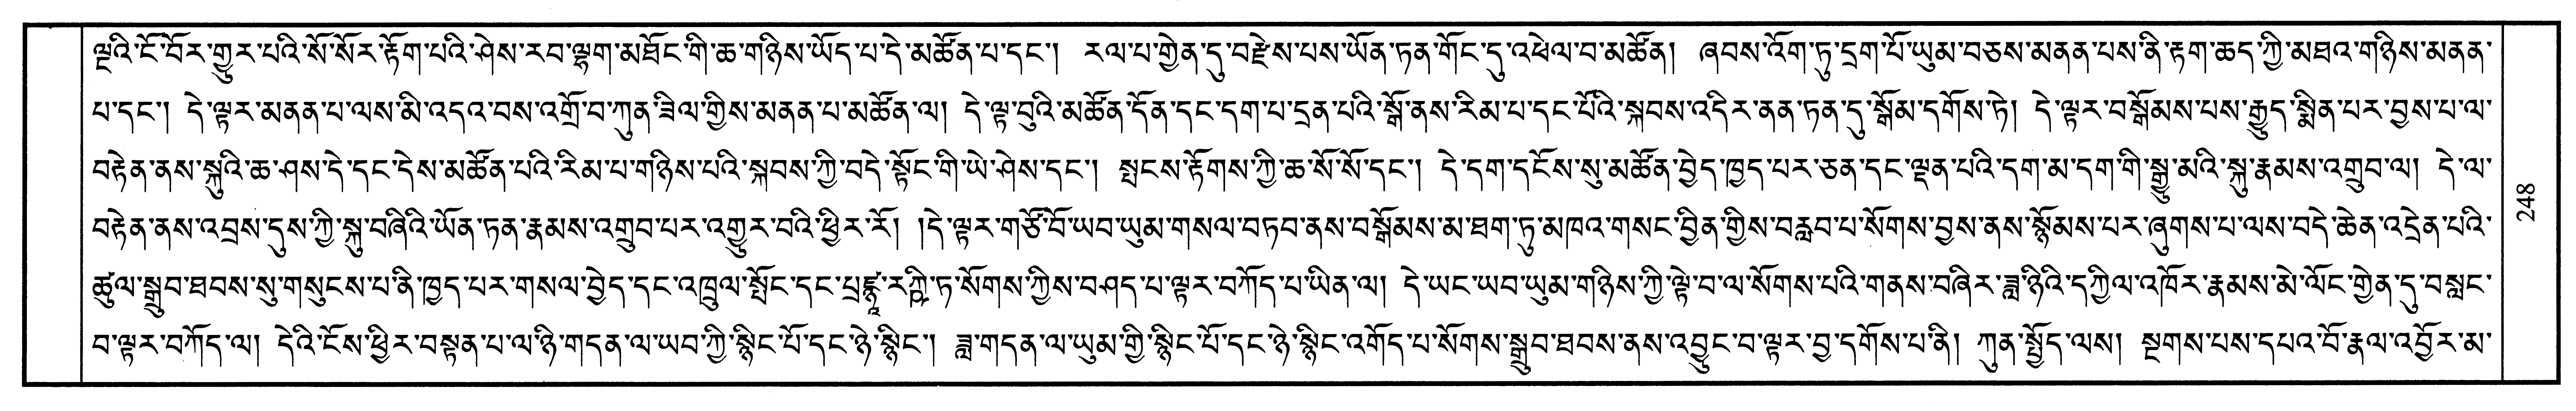ལྔའི་ངོ་བོར་གྱུར་པའི་སོ་སོར་རྟོག་པའི་ཤེས་རབ་ལྷག་མཐོང་གི་ཆ་གཉིས་ཡོད་པ་དེ་མཚོན་པ་དང་། རལ་པ་གྱེན་དུ་བརྫེས་པ་ཡོན་ཏན་གོང་དུ་འཕེལ་བ་མཚོན། ཞབས་འོག་ཏུ་དྲག་པོ་ཡུམ་བཅས་མནན་པས་ནི་རྟག་ཆད་ཀྱི་མཐའ་གཉིས་མནན་
པ་དང་། དེ་ལྟར་མནན་པ་ལས་མི་འདའ་བས་འགྲོ་བ་ཀུན་ཟིལ་གྱིས་མནན་པ་མཚོན་ལ། དེ་ལྟ་བུའི་མཚོན་དོན་དང་དག་པ་དྲན་པའི་སྒོ་ནས་རིམ་པ་དང་པོའི་སྐབས་འདིར་ནན་ཏན་དུ་སྒོམ་དགོས་ཏེ། དེ་ལྟར་བསྒོམས་པས་རྒྱུད་སྨིན་པར་བྱས་པ་ལ་
བརྟེན་ནས་སྐུའི་ཆ་ཤས་དེ་དང་དེས་མཚོན་པའི་རིམ་པ་གཉིས་པའི་སྐབས་ཀྱི་བདེ་སྟོང་གི་ཡེ་ཤེས་དང་། སྤངས་རྟོགས་ཀྱི་ཆ་སོ་སོ་དང་། དེ་དག་དངོས་སུ་མཚོན་བྱེད་ཁྱད་པར་ཅན་དང་ལྡན་པའི་དག་མ་དག་གི་སྒྱུ་མའི་སྐུ་རྣམས་འགྲུབ་ལ། དེ་ལ་
བརྟེན་ནས་འབྲས་དུས་ཀྱི་སྐུ་བཞིའི་ཡོན་ཏན་རྣམས་འགྲུབ་པར་འགྱུར་བའི་ཕྱིར་རོ། །དེ་ལྟར་གཙོ་བོ་ཡབ་ཡུམ་གསལ་བཏབ་ནས་བསྒོམས་མ་ཐག་ཏུ་མཁའ་གསང་བྱིན་གྱིས་བརླབ་པ་སོགས་བྱས་ནས་སྙོམས་པར་ཞུགས་པ་ལས་བདེ་ཆེན་འདྲེན་པའི་
ཚུལ་སྒྲུབ་ཐབས་སུ་གསུངས་པ་ནི་ཁྱད་པར་གསལ་བྱེད་དང་འཁྲུལ་སྤོང་དང་པྲཛྙཱ་རཀྵི་ཏ་སོགས་ཀྱིས་བཤད་པ་ལྟར་བཀོད་པ་ཡིན་ལ། དེ་ཡང་ཡབ་ཡུམ་གཉིས་ཀྱི་ལྟེ་བ་ལ་སོགས་པའི་གནས་བཞིར་ཟླ་ཉིའི་དཀྱིལ་འཁོར་རྣམས་མེ་ལོང་གྱེན་དུ་བསླང་
བ་ལྟར་བཀོད་ལ། དེའི་ངོས་ཕྱིར་བསྟན་པ་ལ་ཉི་གདན་ལ་ཡབ་ཀྱི་སྙིང་པོ་དང་ཉེ་སྙིང་། ཟླ་གདན་ལ་ཡུམ་གྱི་སྙིང་པོ་དང་ཉེ་སྙིང་འགོད་པ་སོགས་སྒྲུབ་ཐབས་ནས་འབྱུང་བ་ལྟར་བྱ་དགོས་པ་ནི། ཀུན་སྤྱོད་ལས། སྔགས་པས་དཔའ་བོ་རྣལ་འབྱོར་མ་